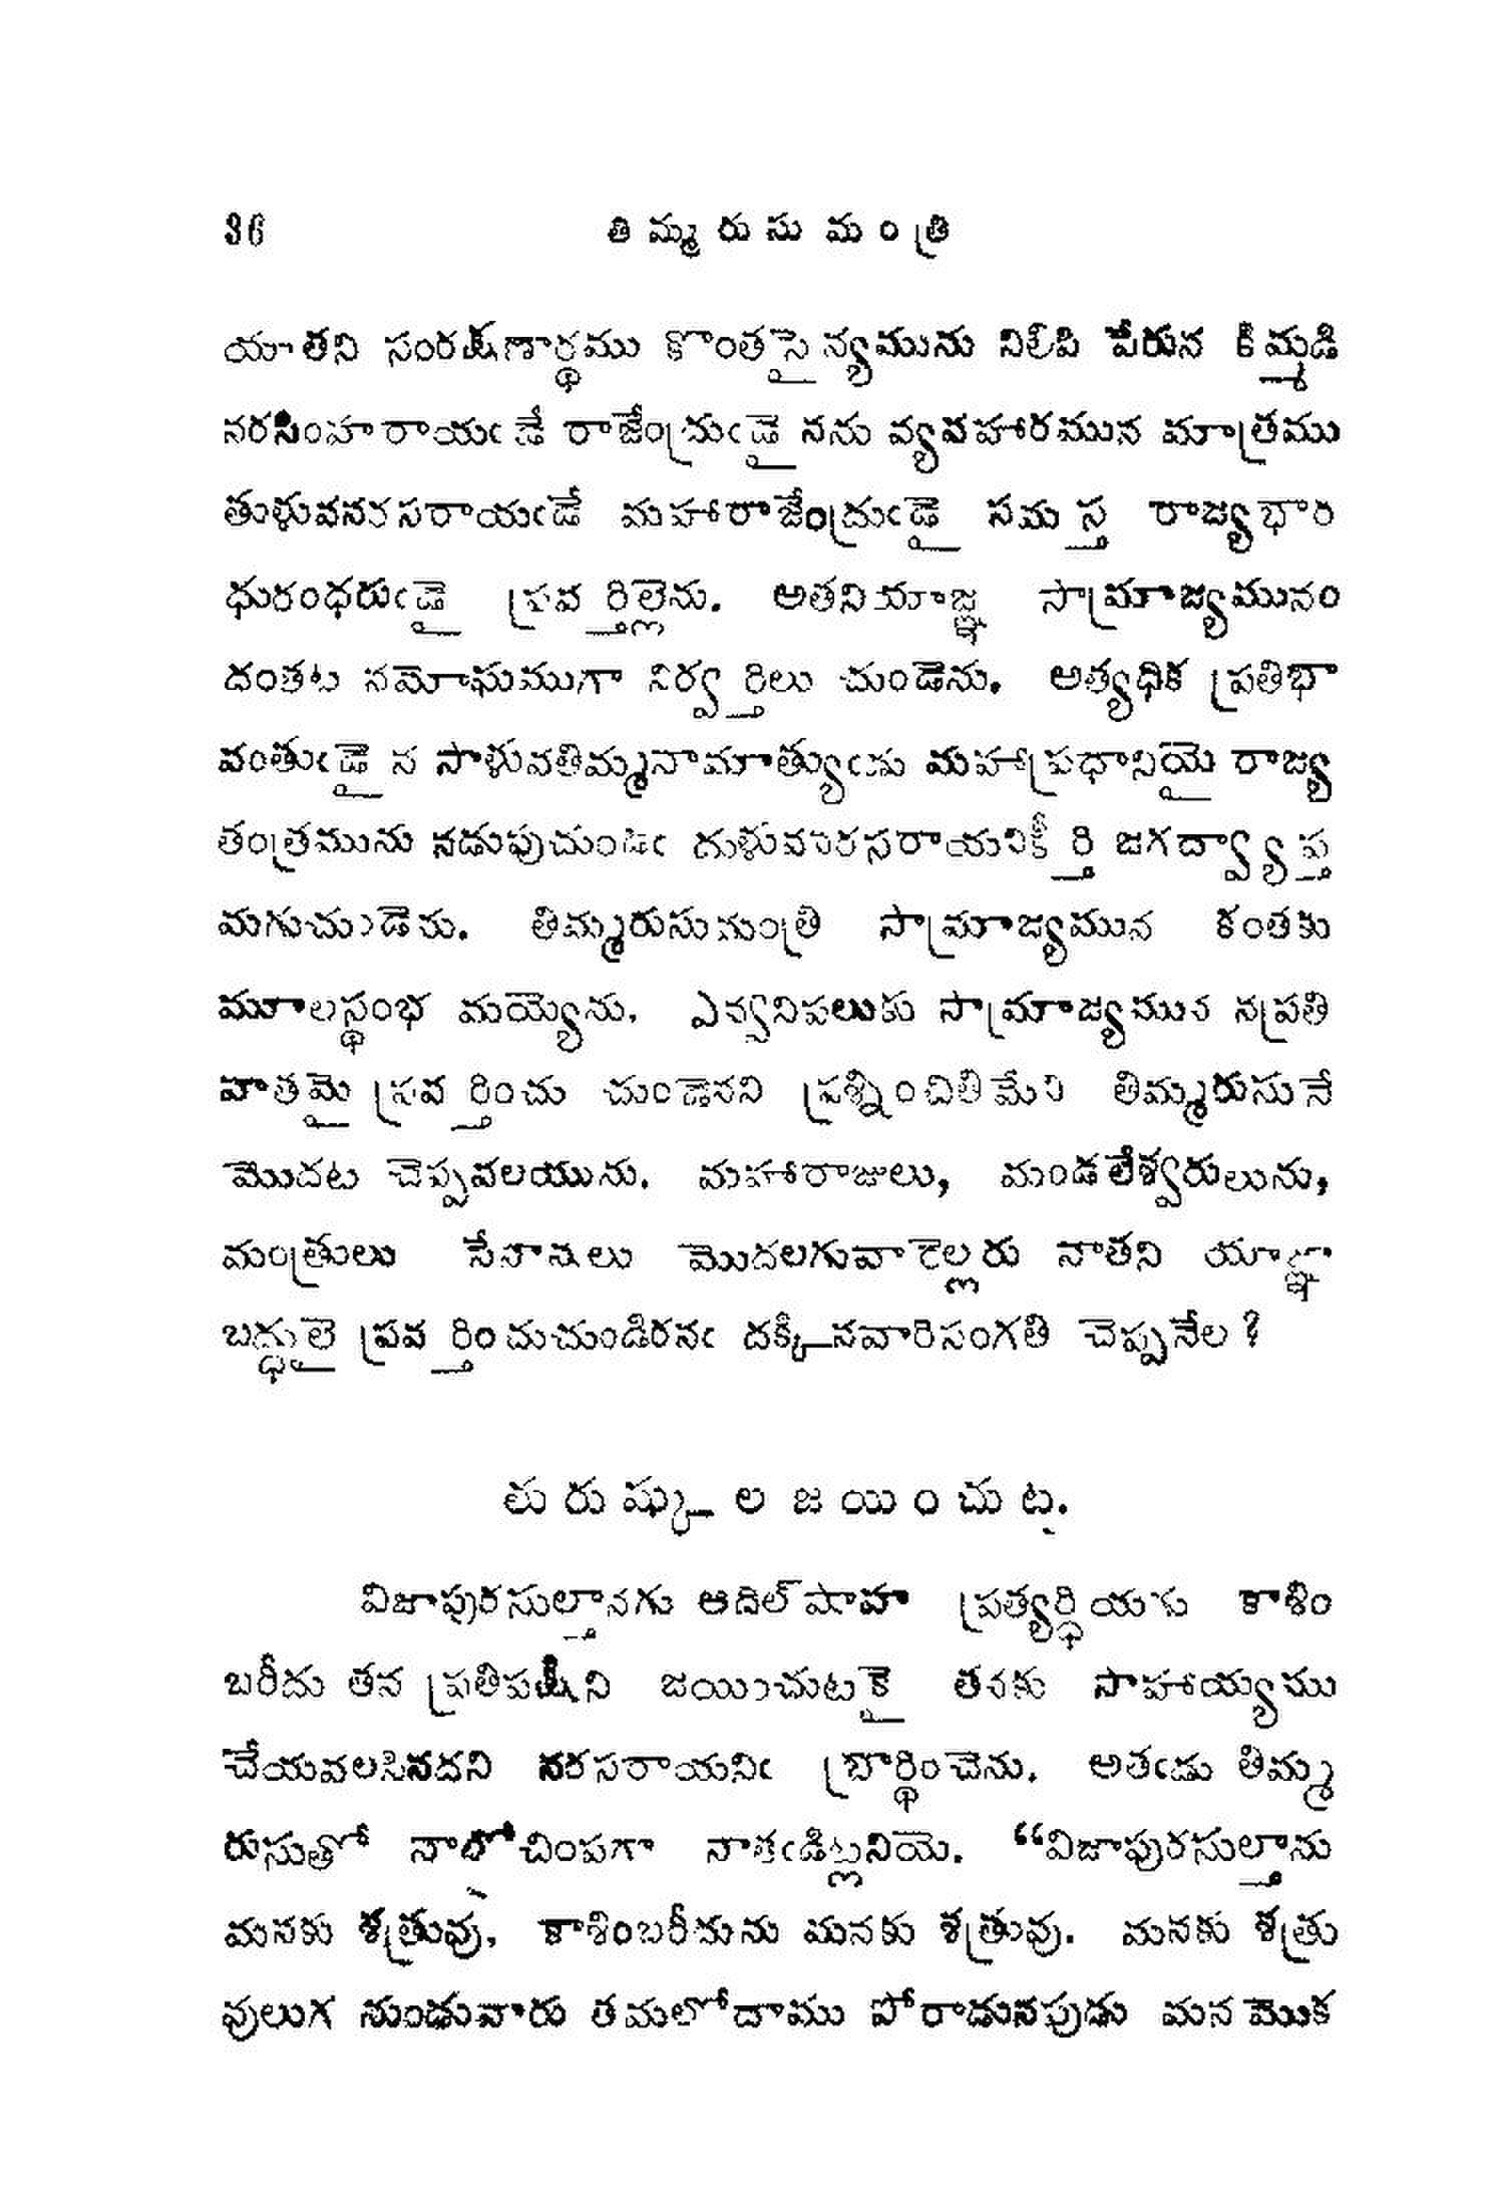యాతని సంరక్షణార్థము కొంతసైన్యమును నిలిపి పేరున కిమ్మడి నరసింహరాయఁడే రాజేంద్రుఁడైనను వ్యవహారమున మాత్రము తుళువనరసరాయఁడే మహారాజేంద్రుఁడై సమస్త రాజ్యభార ధురంధరుఁడై ప్రవర్తిల్లెను. అతనియాజ్ఞ సామ్రాజ్యమునం దంతట నమోఘముగా నిర్వర్తిలు చుండెను. అత్యధిక ప్రతిభావంతుఁడైన సాళువతిమ్మనామాత్యుఁడు మహాప్రధానియై రాజ్యతంత్రమును నడుపుచుండఁ దుళువనరసరాయనికీర్తి జగద్వ్యాప్త మగుచుండెను. తిమ్మరుసుమంత్రి సామ్రాజ్యమున కంతకు మూలస్థంభ మయ్యెను. ఎవ్వనిపలుకు సామ్రాజ్యమున నప్రతి హతమై ప్రవర్తించు చుండెనని ప్రశ్నించితిమేని తిమ్మరుసునే
మొదట చెప్పవలయును. మహారాజులు, మండలేశ్వరులును, మంత్రులు సేనానులు మొదలగువారెల్లరు నాతని యాజ్ఞా బద్దులై ప్రవర్తించుచుండిరనఁ దక్కినవారిసంగతి చెప్పనేల?

తురుష్కుల జయించుట. 

విజాపురసుల్తానగు ఆదిల్‌షాహ ప్రత్యర్ధియగు కాశిం బరీదు తన ప్రతిపక్షిని జయించుటకై తనకు సాహాయ్యము చేయవలసినదని నరసరాయనిఁ బ్రార్థించెను. అతఁడు తిమ్మరుసుతో నాలోచింపగా నాతఁడిట్లనియె. "విజాపురసుల్తాను మసకు శత్రువు, కాశింబరీదును మనకు శత్రువు. మనకు శత్రువులుగ నుండువారు తమలోదాము పోరాడునపుడు మనమొక